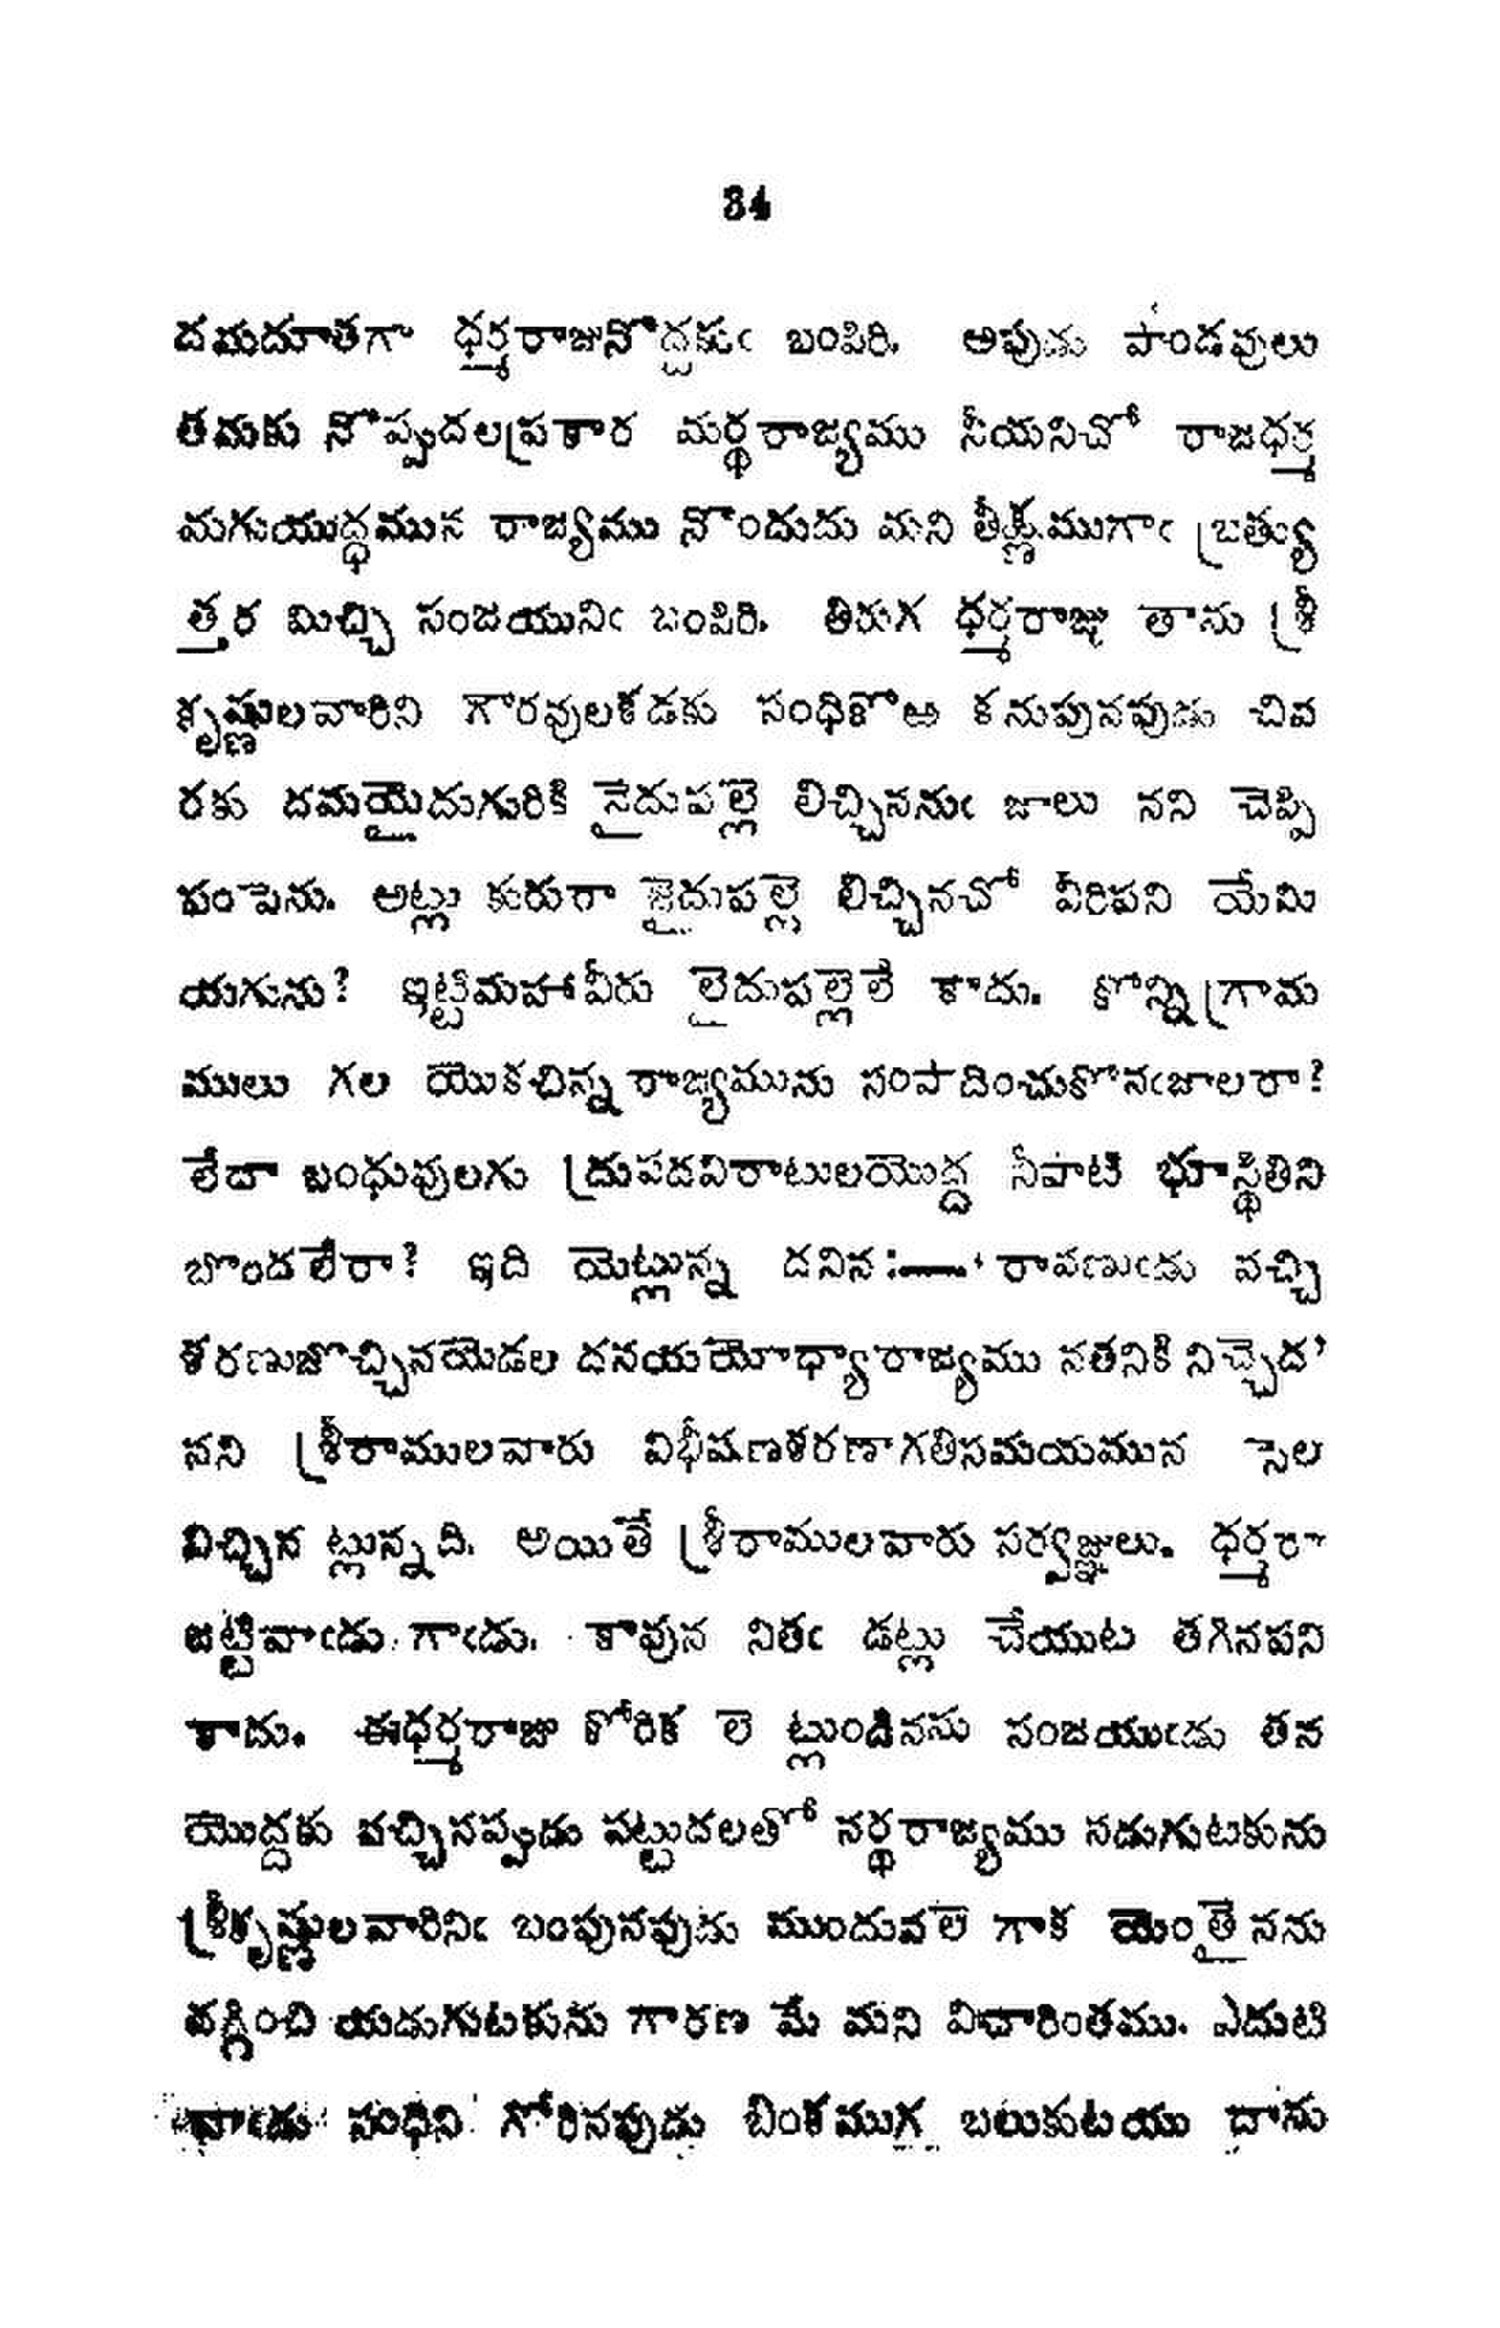దమదూతగా ధర్మరాజునొద్దకుఁ బంపిరి. అపుడు పాండవులు తమకు నొప్పుదలప్రకార మర్థరాజ్యము నీయనిచో రాజధర్మమగుయుద్ధమున రాజ్యము నొందుదు మని తీక్ష్ణముగాఁ బ్రత్యుత్తర మిచ్చి సంజయునిఁ బంపిరి. తిరుగ ధర్మరాజు తాను శ్రీకృష్ణులవారిని గౌరవులకడకు సంధికొఱ కనుపునపుడు చివరకు దమయైదుగురికి నైదుపల్లె లిచ్చిననుఁ జాలు నని చెప్పిపంపెను. అట్లు కురురా జైదుపల్లె లిచ్చినచో వీరిపని యేమి యగును? ఇట్టిమహావీరు లైదుపల్లెలే కాదు. కొన్ని గ్రామములు గల యొకచిన్న రాజ్యమును సంపాదించుకొనఁజాలరా? లేదా బంధువులగు ద్రుపదవిరాటులయొద్ద నీపాటి భూస్థితిని బొందలేరా! ఇది యెట్లున్న దనిన - 'రావణుఁడు వచ్చి
శరణుజొచ్చినయెడల దనయయోధ్యారాజ్యము నతనికి నిచ్చెద' నని శ్రీరాములవారు విభీషణ శరణాగతిసమయమున సెలవిచ్చిన ట్లున్నది. అయితే శ్రీరాములవారు సర్వజ్ఞులు, ధర్మరాజట్టివాఁడు గాఁడు. . కావున నితఁ డట్లు చేయుట తగినపని కాదు. ఈధర్మరాజు కోరిక లె ట్లుండినను సంజయుఁడు తన యొద్దకు వచ్చినప్పుడు పట్టుదలతో నర్థరాజ్యము నడుగుటకును శ్రీకృష్ణులవారినిఁ బంపునపుడు ముందువలె గాక యెంతైనను దగ్గించి యడుగుటకును గారణ మే మని విచారింతము. ఎదుటివాఁడు సంధిని గోరినపుడు బింకముగ బలుకుటయు దాను